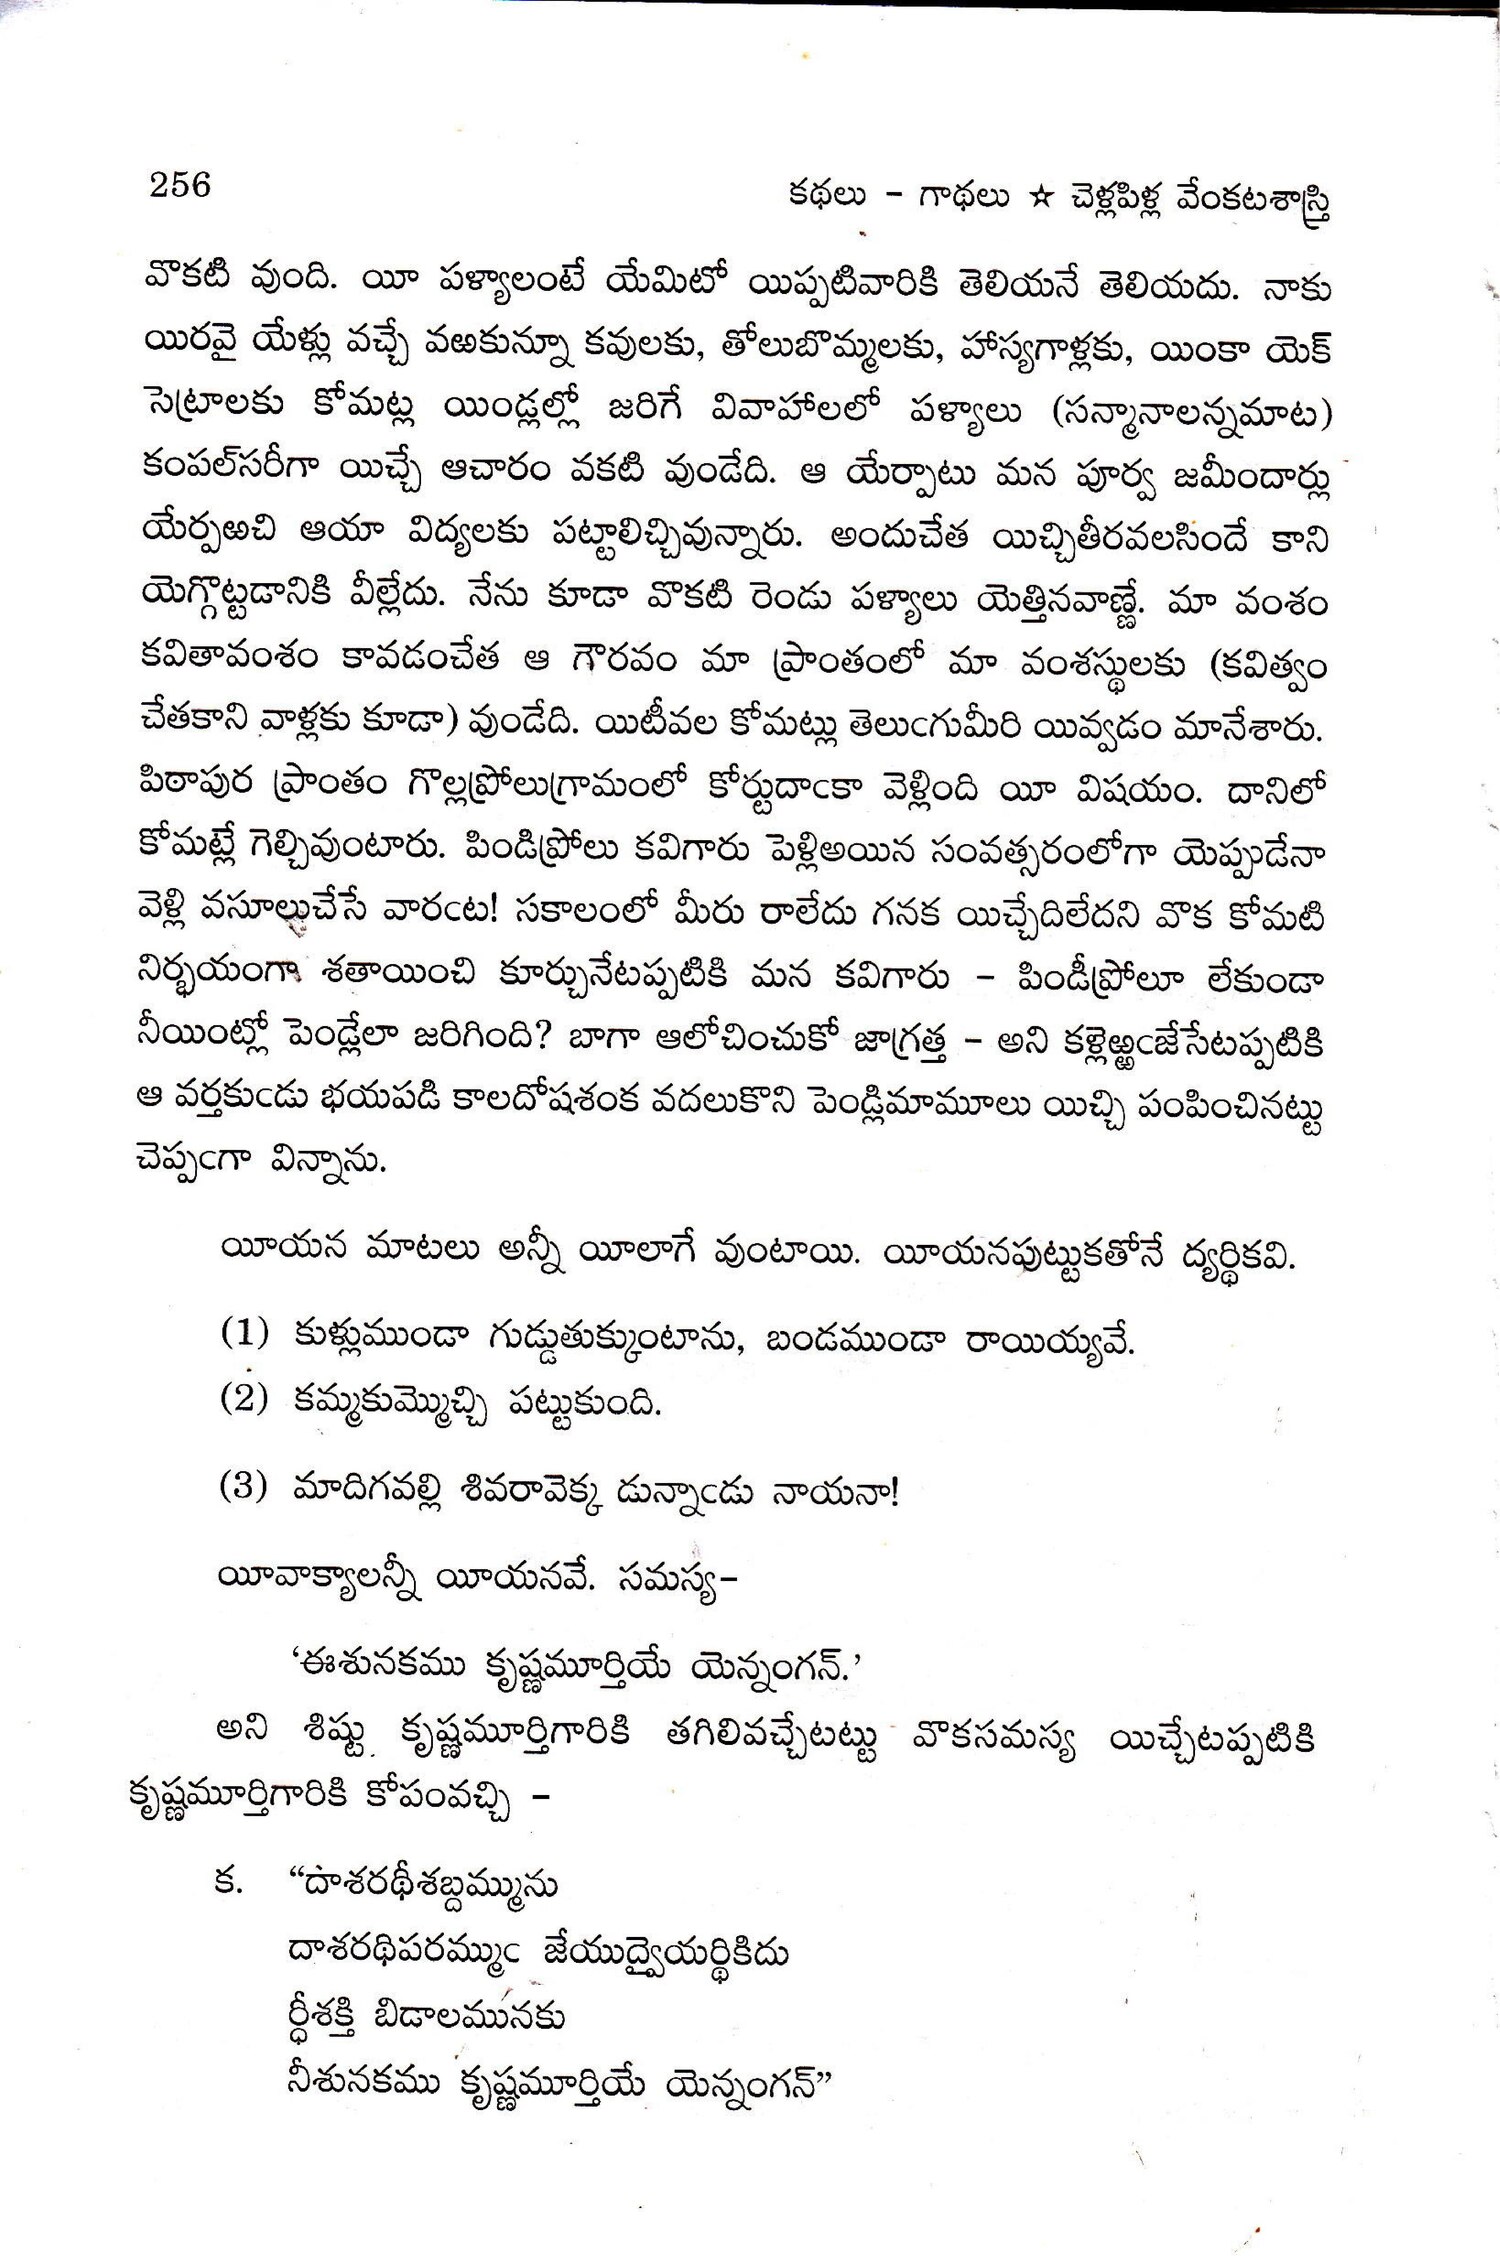వొకటి వుంది. యీ పళ్యాలంటే యేమిటో యిప్పటివారికి తెలియనే తెలియదు. నాకు యిరవై యేళ్లు వచ్చే వఱకున్నూ కవులకు, తోలుబొమ్మలకు, హాస్యగాళ్లకు, యింకా యెక్‌సెట్రాలకు కోమట్ల యిండ్లల్లో జరిగే వివాహాలలో పళ్యాలు (సన్మానాలన్నమాట) కంపల్‌సరీగా యిచ్చే ఆచారం వకటి వుండేది. ఆ యేర్పాటు మన పూర్వ జమీందార్లు యేర్పఱచి ఆయా విద్యలకు పట్టాలిచ్చివున్నారు. అందుచేత యిచ్చితీరవలసిందే కాని యెగ్గొట్టడానికి వీల్లేదు. నేను కూడా వొకటి రెండు పళ్యాలు యెత్తినవాణ్ణే మా వంశం కవితావంశం కావడంచేత ఆ గౌరవం మా ప్రాంతంలో మా వంశస్టులకు (కవిత్వం చేతకాని వాళ్లకు కూడా) వుండేది. యిటీవల కోమట్లు తెలుఁగుమీరి యివ్వడం మానేశారు. పిఠాపుర ప్రాంతం గొల్లప్రోలుగ్రామంలో కోర్డుదాఁకా వెళ్లింది యీ విషయం. దానిలో కోమట్లే గెల్చివుంటారు. పిండిప్రోలు కవిగారు పెళ్లిఅయిన సంవత్సరంలోగా యెప్పుడేనా వెళ్లి వసూలుచేసే వారఁట! సకాలంలో మీరు రాలేదు గనక యిచ్చేదిలేదని వొక కోమటి నిర్భయంగా శతాయించి కూర్చునేటప్పటికి మన కవిగారు - పిండీ ప్రోలూ లేకుండా నీయింట్లో పెండ్లేలా జరిగింది? బాగా ఆలోచించుకో జాగ్రత్త - అని కల్లెఱ్ఱఁజేసేటప్పటికి ఆ వర్తకుఁడు భయపడి కాలదోషశంక వదలుకొని పెండ్లిమామూలు యిచ్చి పంపించినట్టు చెప్పఁగా విన్నాను.

యీయన మాటలు అన్నీ యీలాగే వుంటాయి. యీయనపుట్టుకతోనే ద్యర్థికవి.

(1) కుళ్లుముండా గుడ్డుతుక్కుంటాను, బండముండా రాయియ్యవే. 

(2) కమ్మకుమ్మొచ్చి పట్టుకుంది.

(3) మాదిగవల్లి శివరావెక్క డున్నాఁడు నాయనా! 

యీవాక్యాలన్నీ యీయనవే. సమస్య-

'ఈశునకము కృష్ణమూర్తియే యెన్నంగన్.' 

అని శిష్టు కృష్ణమూర్తిగారికి తగిలివచ్చేటట్టు వొకసమస్య యిచ్చేటప్పటికి కృష్ణమూర్తిగారికి కోపంవచ్చి - 

క. “దాశరథీశబ్దమ్మును
 దాశరథిపరమ్ముఁ జేయుద్వైయర్థికిదు 
 ర్ధీశక్తి బిడాలమునకు 
 నీశునకము కృష్ణమూర్తియే యెన్నంగన్"